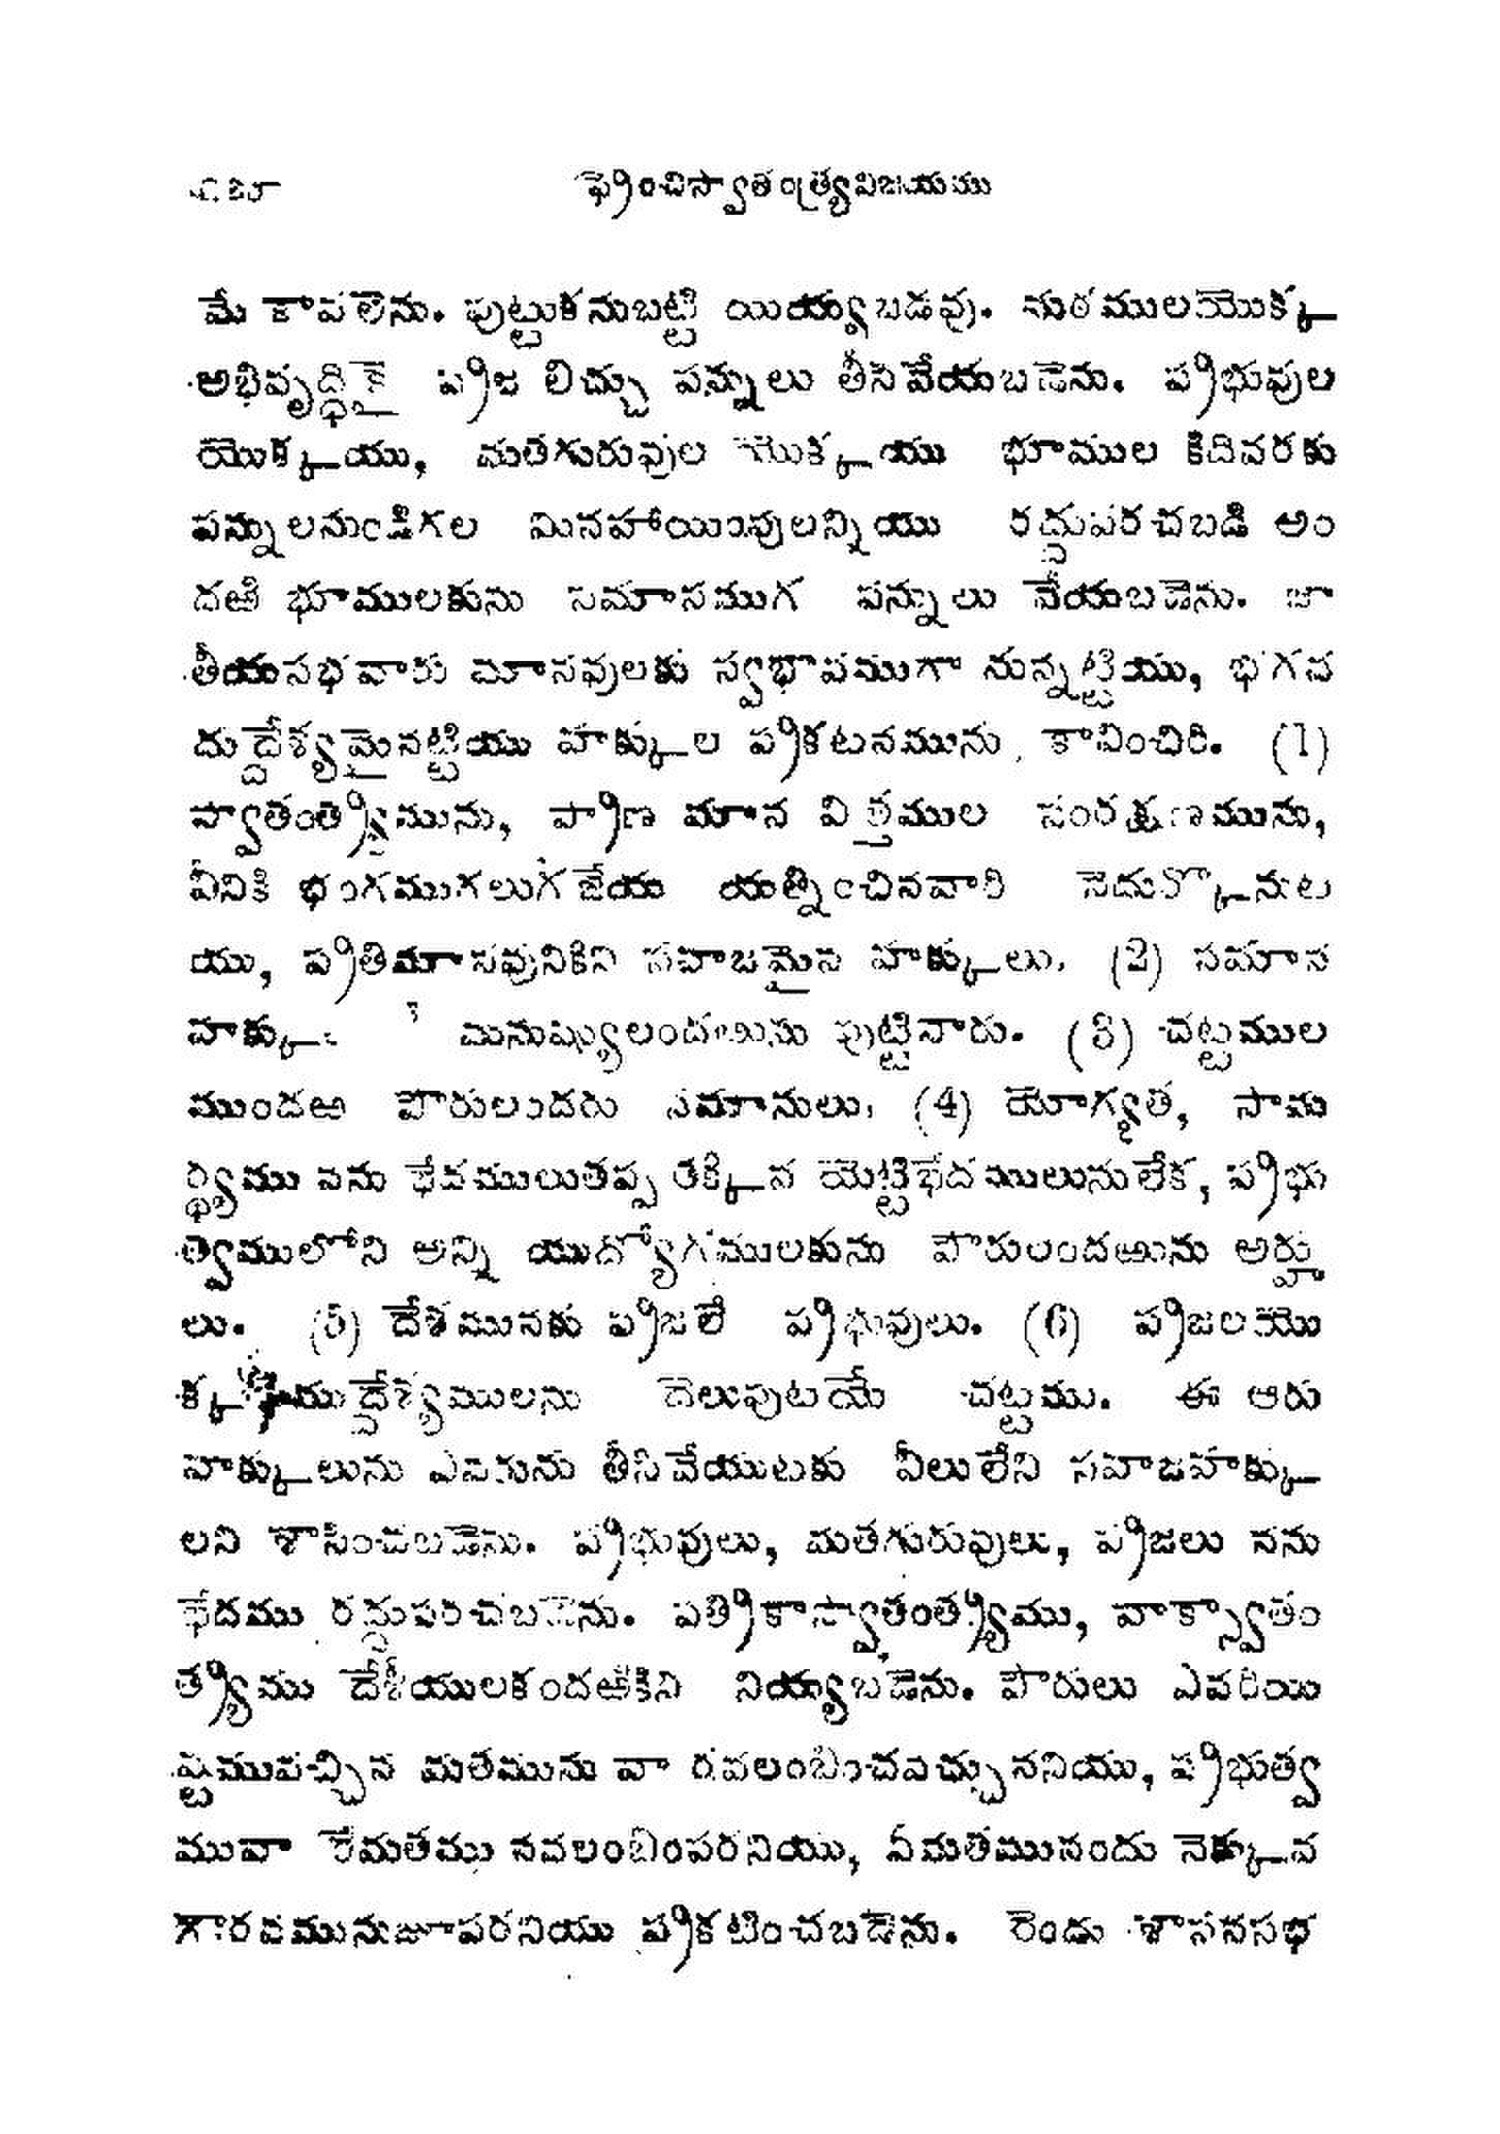మే కావలెను. పుట్టుక నుబట్టి యియ్యబడవు. మఠముల యొక్క
అభివృద్ధి - ప్రజ లిచ్చు పన్నులు తీసి వేయబడెను, ప్రభువుల
యొక్కయు, మతగురువుల యొక్కయు భూముల కిదివరకు
పన్ను లనుండిగల మినహాయింపులన్నీయు రద్దుపరచ బడి అం
దటి భూములకును సమాసముగ పన్నులు వేయబడెను. -
జాతీయసభవారు మానవులకు స్వభావముగా నుంట్టియు, భగవ
దుద్దేశ్య మైనట్టియు హక్కుల ప్రకటనమును , కావించిరి. (1)
స్వాతంతమును, ప్రాణ మాన విత్తముల సంరక్షమును,
వీనికి భంగముగలుగ జేయ యత్నించినవారి సెదుర్కొనుట
యు, ప్రతి మానవునికిని సహజమైన హక్కులు, 2)
హక్కులుతో మనుష్యులందుసు పుట్టినారు. (8) చట్టముల
ముందఱ పౌరులుదరుసమానులు, (4) యోగ్యత, సామ
ర్థ్యము నను భేదములుతప్ప తక్కిన యెట్టి భేద ములును లేక , ప్రభు
త్వములోని అన్ని యుద్యోగములకును పౌరులందఱును అర్హు
లు. (5) దేశమునకు ప్రజలే ప్రభువులు. (6) ప్రజల యొ
క్క యుద్వేశ్యములను దెలుపుటయే చట్టము. ఈ ఆరు
వాక్కులును ఎవరును తీసివేయుటకు వీలు లేని సహజహక్కు
లని శాసించబడెసు. ప్రభువులు, మతగురువులు, ప్రజలు నను
భేదము రద్దుపుచబడెను. పత్రికాస్వాతంత్యము, వాక్స్వాతం
త్యము "దేశీ యులకందఱికిని నియ్యబడెను. పౌరులు ఎవరియి
యిష్టమువచ్చిన మతమును వారవలంబించవచ్చు ననియు, ప్రభుత్వ
మువారేమతము నవలంబింపరనియు, ఏమతమునందు నెక్కువ
గౌరవమును జూపరనియు ప్రకటించబడెను. రెండు శాసనసభ